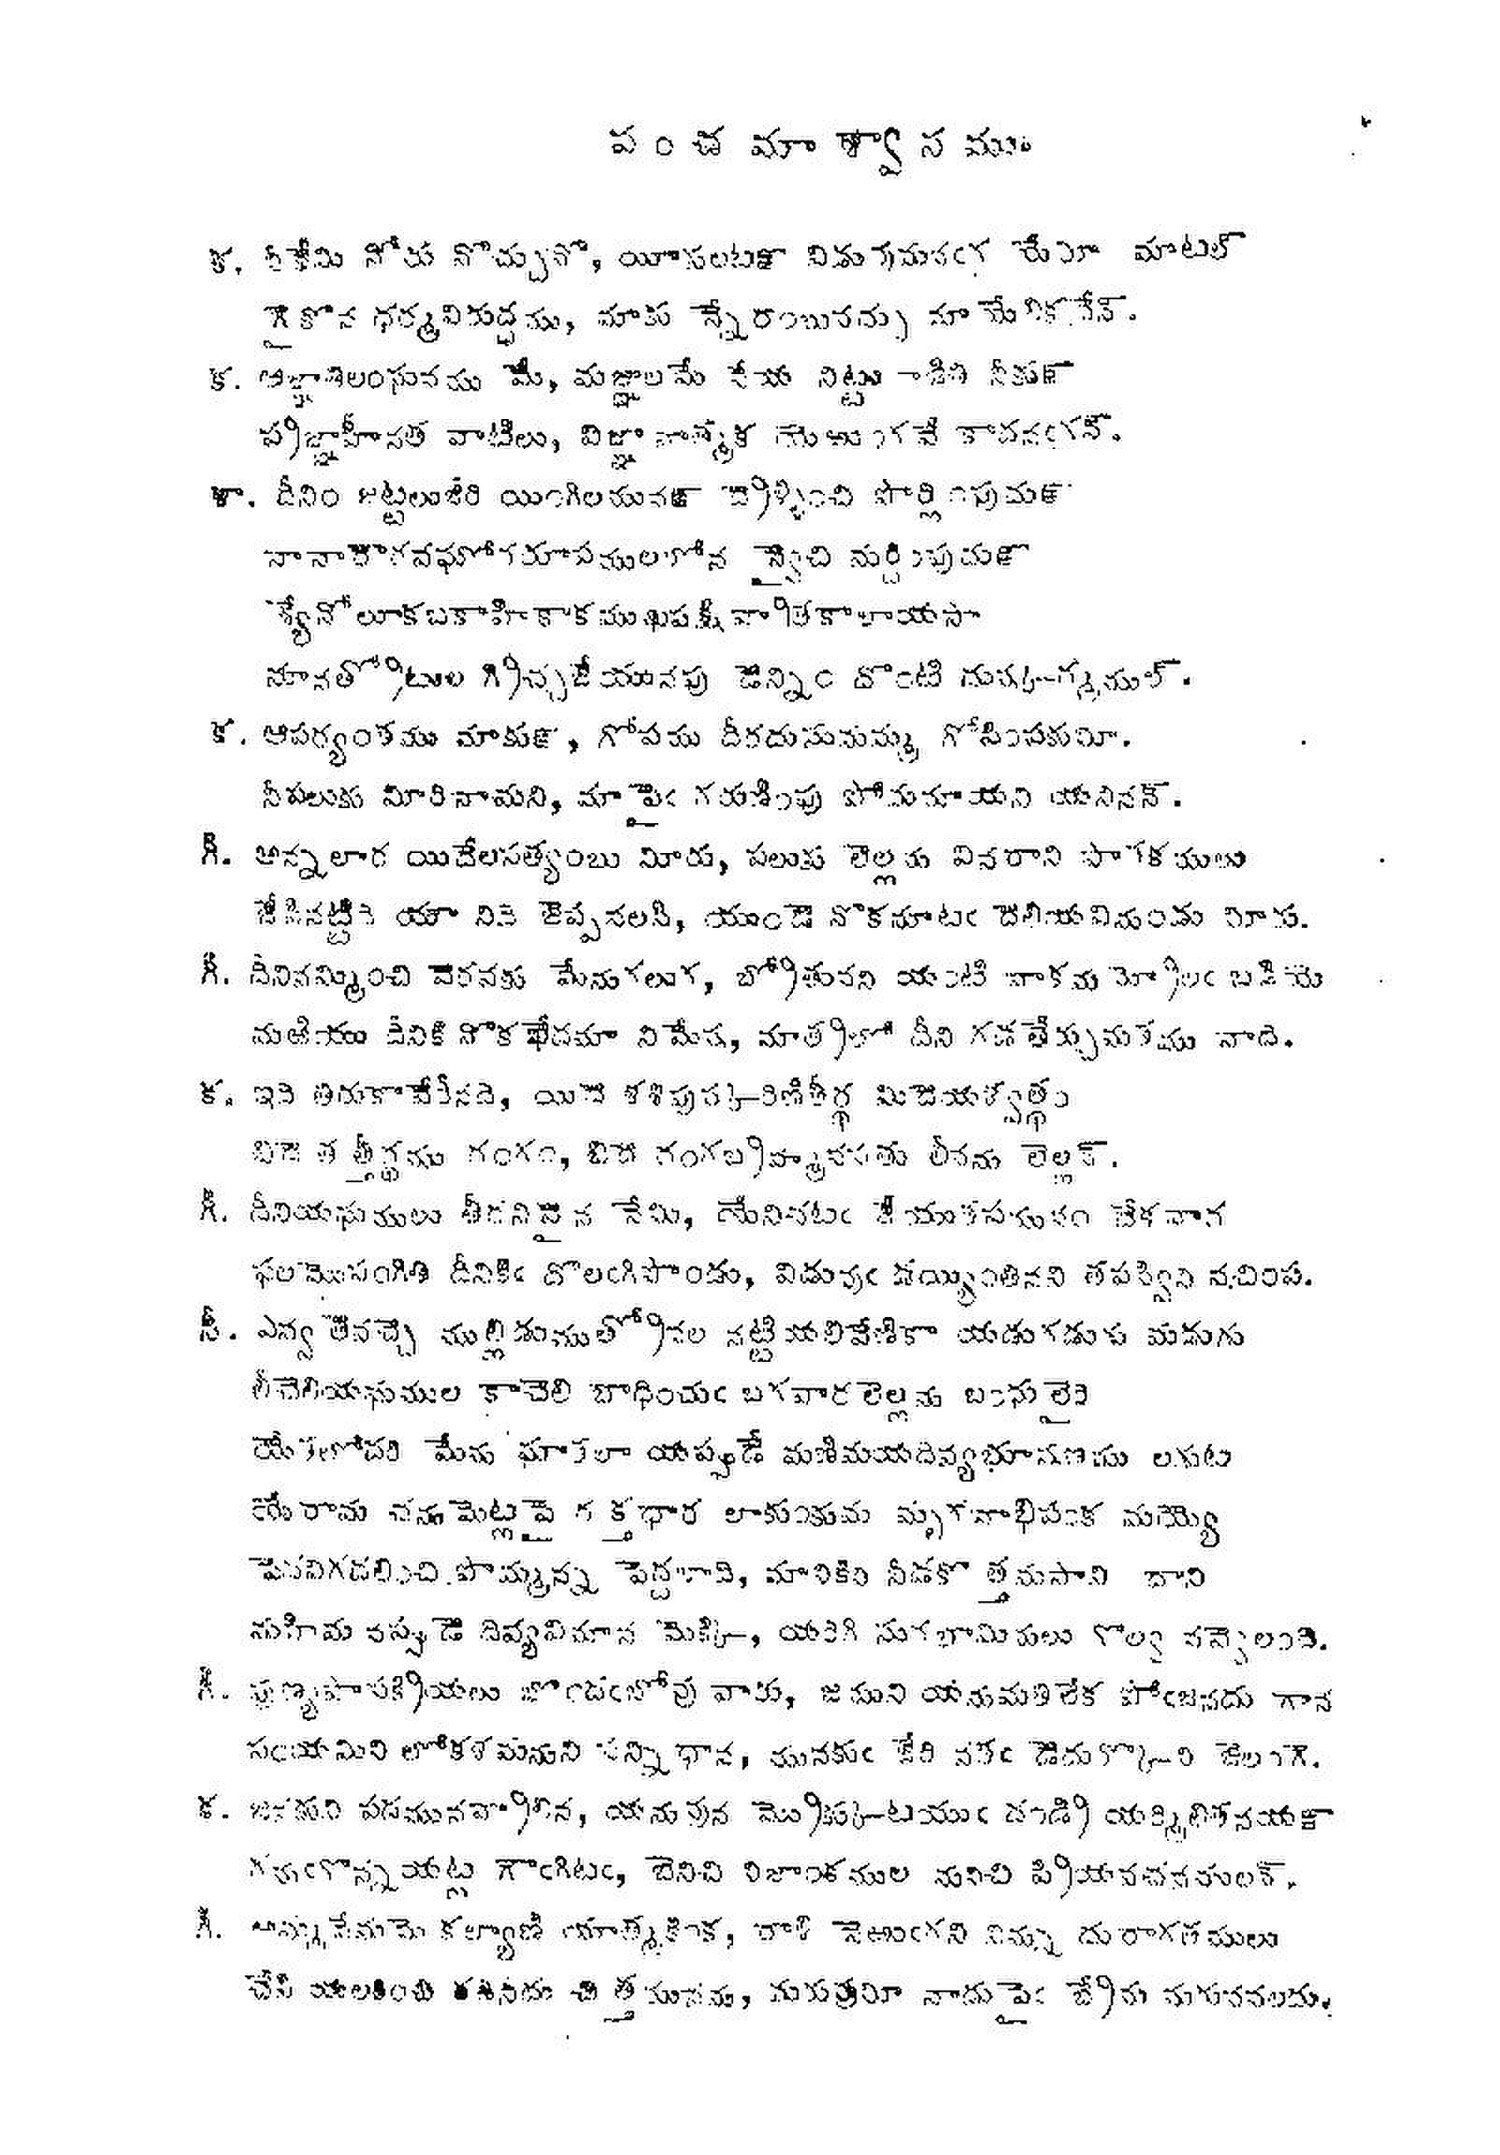క. నీకేమి నోరు నొచ్చునొ, యీకులటన్ విడువుమనఁగ యేమీ మాటల్
 గైకొన ధర్మవిరుద్ధము, మాకు న్నేరంబువచ్చు మాయేలికచేన్.
క. ఆజ్ఞాతిలంఘనము మే, మజ్ఞులమే సేయ నిట్టులాడితి నీకున్
 ప్రజ్ఞాహీనత వాటిలు, విజ్ఞానాత్మక యెఱుంగవే కాదనఁగన్.
శా. దీనిం జట్టలు జీరి యింగిలమునన్ ద్రెళ్ళించి పొర్లింపుచున్
 నానారౌరవఘోరరూపములలోన న్వైచి మర్దింపుచున్
 శ్యేనోలూకబకాహికాకముఖపక్షివ్రాతకాలాయసా
 నూనత్రోటుల గ్రిచ్చజేయునపు డెన్నిం దొంటి దుష్కర్మముల్.
క. ఆపర్యంతము మాకున్, గోపము దీరదుసుమమ్మ గోపింపకుమీ
 నీపలుకు మీరినామని, మాపై గరుణింపు పోదుమా యని యనినన్.
గీ. అన్నలార యిదేలసత్యంబు మీరు, పలుకు లెల్లను వినరాని పాతకములు
 జేసినట్టిది యౌ నిది జెప్పవలసి, యుండె నొకమాటఁ దెలియవినుండు మీరు.
గీ. దీనినమ్మించి వెరవకు మేను గలుగ, బ్రోతునని యంటి నాకమ మ్రోలఁబడియె
 మఱియు దీనికి నొకఖేదమా నిమేష, మాత్రలో దీని గడదేర్చుమతము నాది.
క. ఇది తిరుకావేరీనది, యిదె శశిపుష్కరిణితీర్థ మిదెయశ్వత్థం
 బిదె తత్తీర్థము రంగం, బిదె రంగబ్రహ్మవసతు లీవను లెల్లన్.
గీ. దీనియఘములు తీరనివైన నేమి, యేనిచటఁ జేయుతపమునం దేకవార
 ఫల మొసంగితి దీనికిఁ దొలఁగిపొండు, విడువుఁ డయ్యింతినని తపస్విని వచింప.
సీ. ఎవ్వతెవచ్చె ముల్లిడుముత్రోవల నట్టియలివేణికా యడుగడుగు మడుగు
 లీచెలియఘముల కాచెలి బాధించుఁ బగవారలెల్లను బంధులైరి
 యేతలోదరి మేను ఘాతలా యప్పుడే మణిమయదివ్యభూషణము లగుట
 యేరామ చనుమెట్లపై రక్తధార లాకుంకుమ మృగనాభిపంక మయ్యె
 పెదవిగదలించి పొమ్మన్న పెద్దలాది, మానికిని నీడకొత్తమసాని దాని
 మహిమ నప్పుడె దివ్యవిమాన మెక్కి, యరిగి సురభామినులు గొల్వ నవ్వెలంది.
గీ. పుణ్యపాపక్రియలు బొందఁబోవువారు, జముని యనుమతిలేక పోఁజనదు గాన
 సంయమిని లోకశమనుని సన్నిధాన, మునకుఁ జేరి నత డెదుర్కొని జెలంగె.
క. జనకుని పదమున వ్రాలిన, యనువున మ్రొక్కుటయుఁ దండ్రి యర్మిలితనయన్
 గనుఁగొన్న యట్ల గౌఁగిటఁ, బెనిచి నిజాంకముల నునిచి ప్రియవచనములన్.
గీ. అమ్మ సేమమె కల్యాణి నమ్మక్క యాత్మకింక, రాళి నెఱుఁగని నిన్ను దురాగతములు
 చేసి యలకించి రదినీదు చిత్తమునను, మరువుమీ నాదుపైఁ బ్రేమ మరువవలదు.